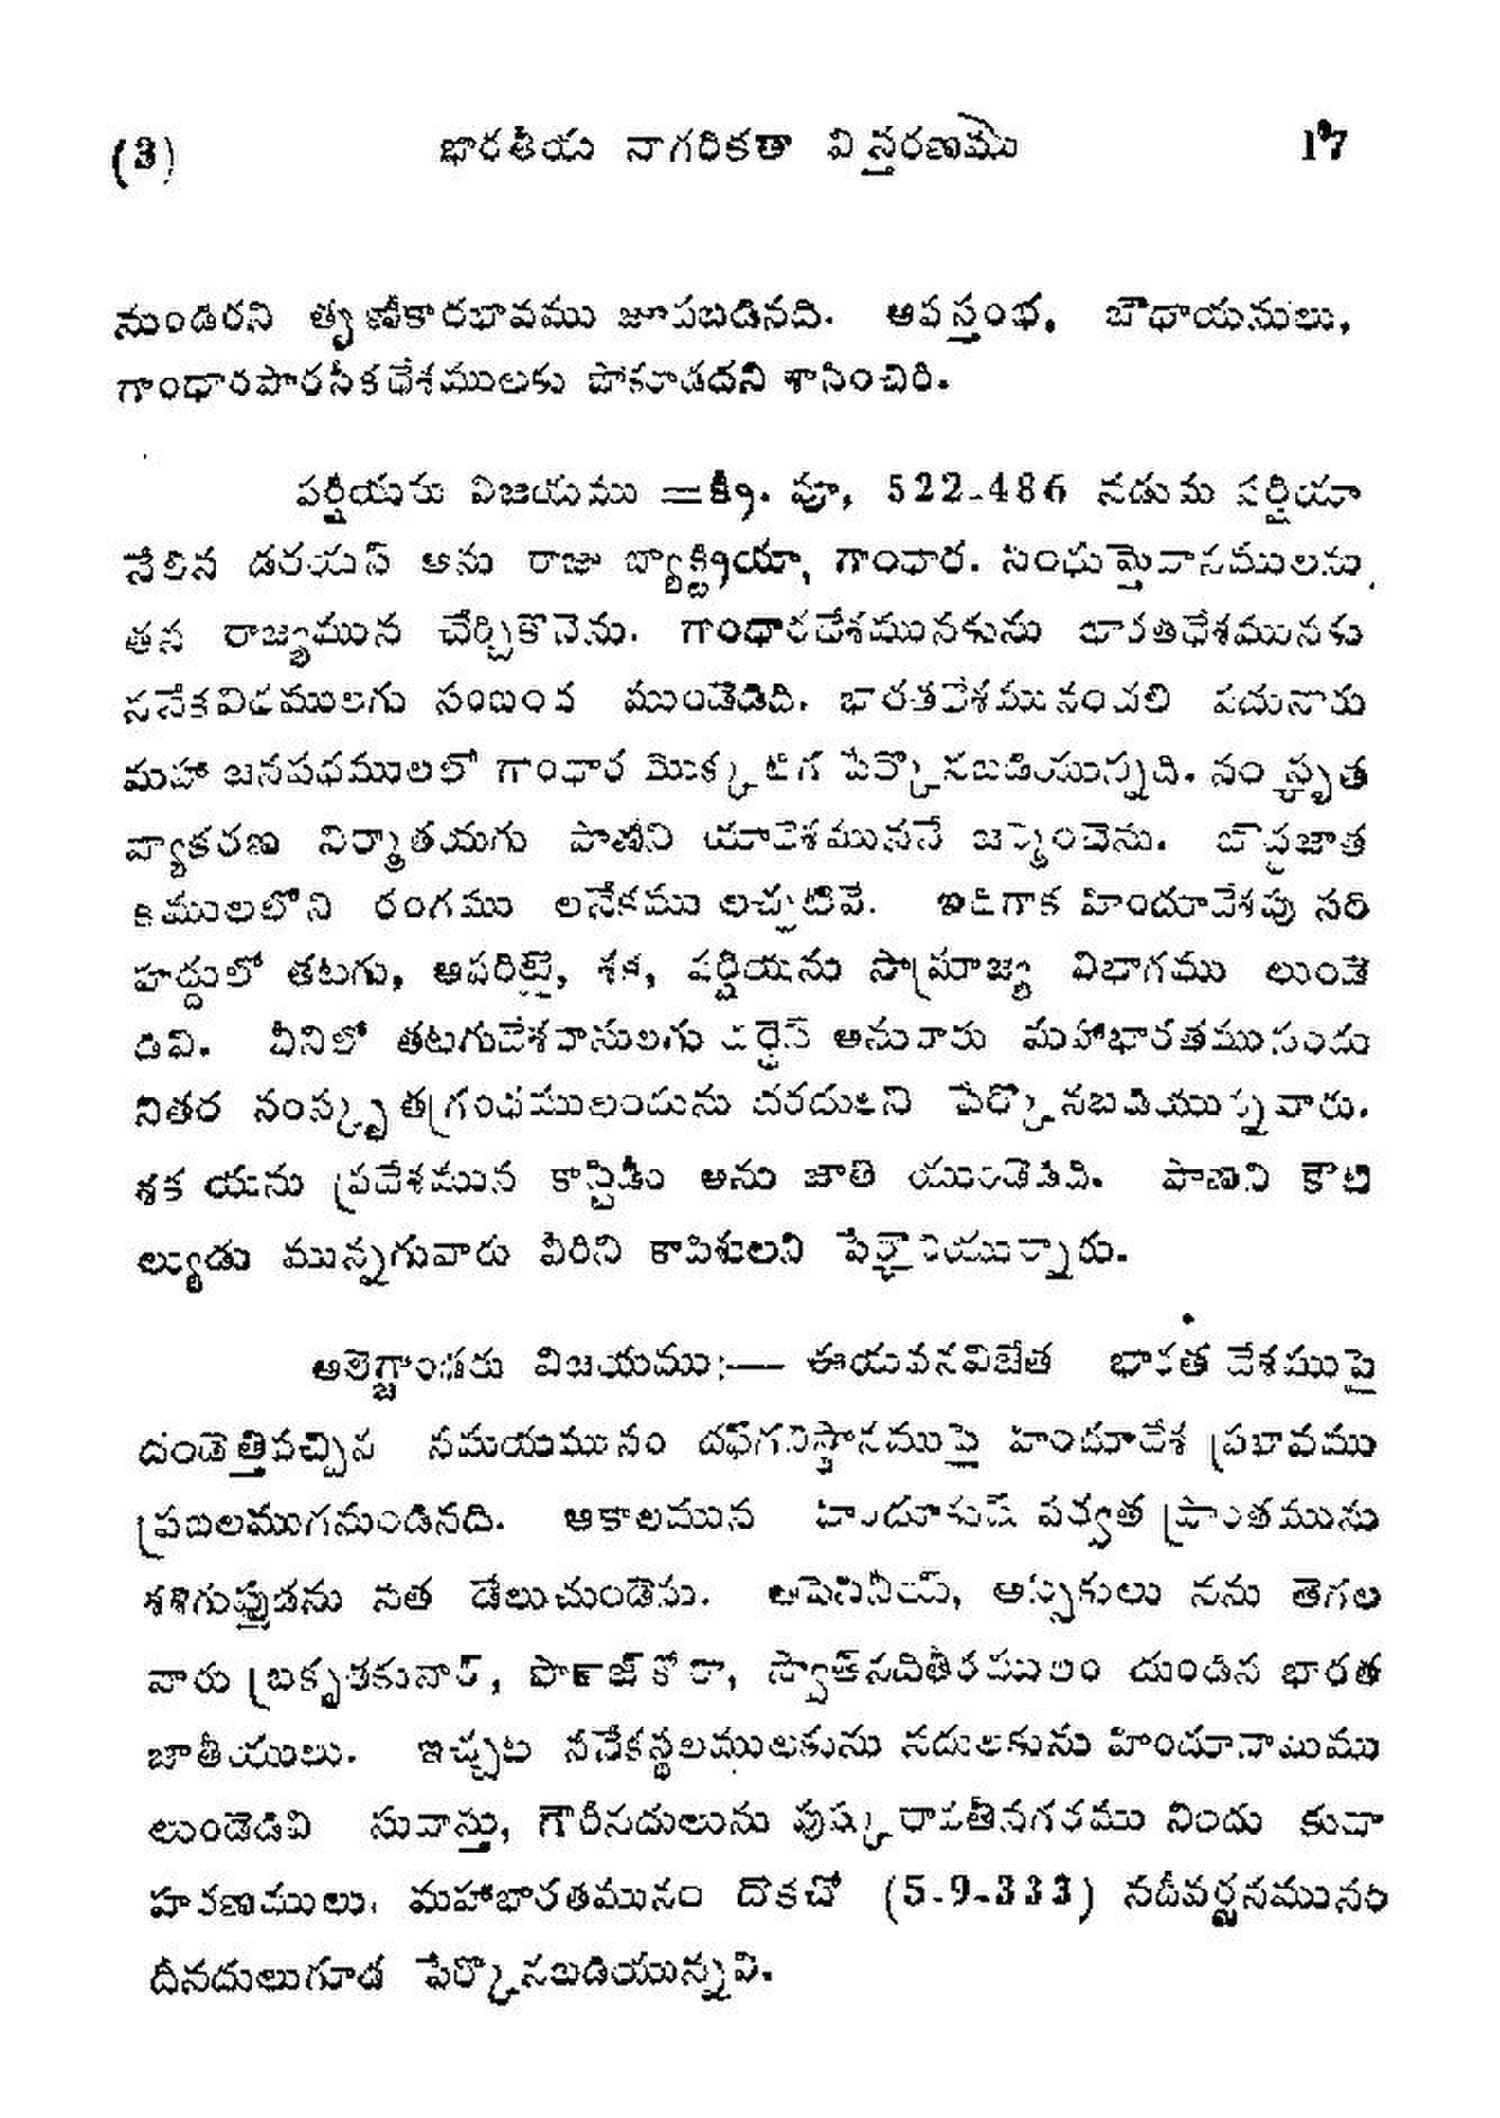నుండిరని తృణీకారభావము జూపబడినది. అపస్తంభ, బౌథాయనులు, గాంధారపారసీకదేశములకు పోకూడదని శాసింసిరి.

పర్షియను విజయము = క్రీ. పూ. 522-486 నడుమ పర్షియా నేలిన డరయస్ అను రాజు బ్యాక్ట్రియా, గాంథార, సింధుమైదానములను తన రాజ్యమున చేర్చికొనెను. గాంధారదేశమునకును భారతదేశమునకు ననేకవిదములగు సంబంద ముండెడిది. భారతదేశమునందలి పదునారు మహా జనపదములలో గాంధార మొక్కటిగ పేర్కొనబడియున్నది. సంస్కృత వ్యాకరణ నిర్మాతయగు పాణిని యాదేశముననే జన్మించెను. బౌద్దజాతకములలోని రంగము లనేకము లచ్చటివే. ఇదిగాక హిందూదేశపు సరిహద్దులో తటగు, అపరిటై, శక, పర్షియను సామ్రాజ్య విభాగము లుండెడివి. వీనిలో తటగుదేశవాసులగు దర్దెస్ అనువారు మహాభారతమునందు నితర సంస్కృతగ్రంథములందును దరదులని పేర్కొనబడియున్నవారు, శక యను ప్రదేశమున కాస్టిడిం అను జాతి యుండెడిది. పాణని కౌటిల్యుడు, మున్నగువారు వీరిని కాపిశులని పేర్కొనియున్నారు.

అలెగ్జాండరు విజయము :- ఈయవనవిజేత భారత దేశముపై దండెత్తివచ్చిన సమయమునం దఫ్‌గనిస్థానముపై హిందూదేశ ప్రభావము ప్రబలముగనుండినది. ఆకాలమున హిందూకుష్ పర్వత ప్రాంతమును శశిగుప్తుడను నత డేలుచుండెను. అపెసినియ్, అస్సికులు నను తెగలవారు బ్రకృతకునార్, పాన్‌జ్‌కోరా, స్వాత్‌నదితీరములం దుండిన భారత జాతీయులు. ఇచ్చట ననేకస్థలములకును నదులకును హిందూనామము లుండెడివి. సువాస్తు, గౌరీనదులును పుష్కరావతీ నగరము నిందు కుదాహరణములు. మహాభారతమునం దొకచో (5-9-333) నదీవర్ణనమునం దీనదులుగూడ పేర్కొనబడియున్నవి.